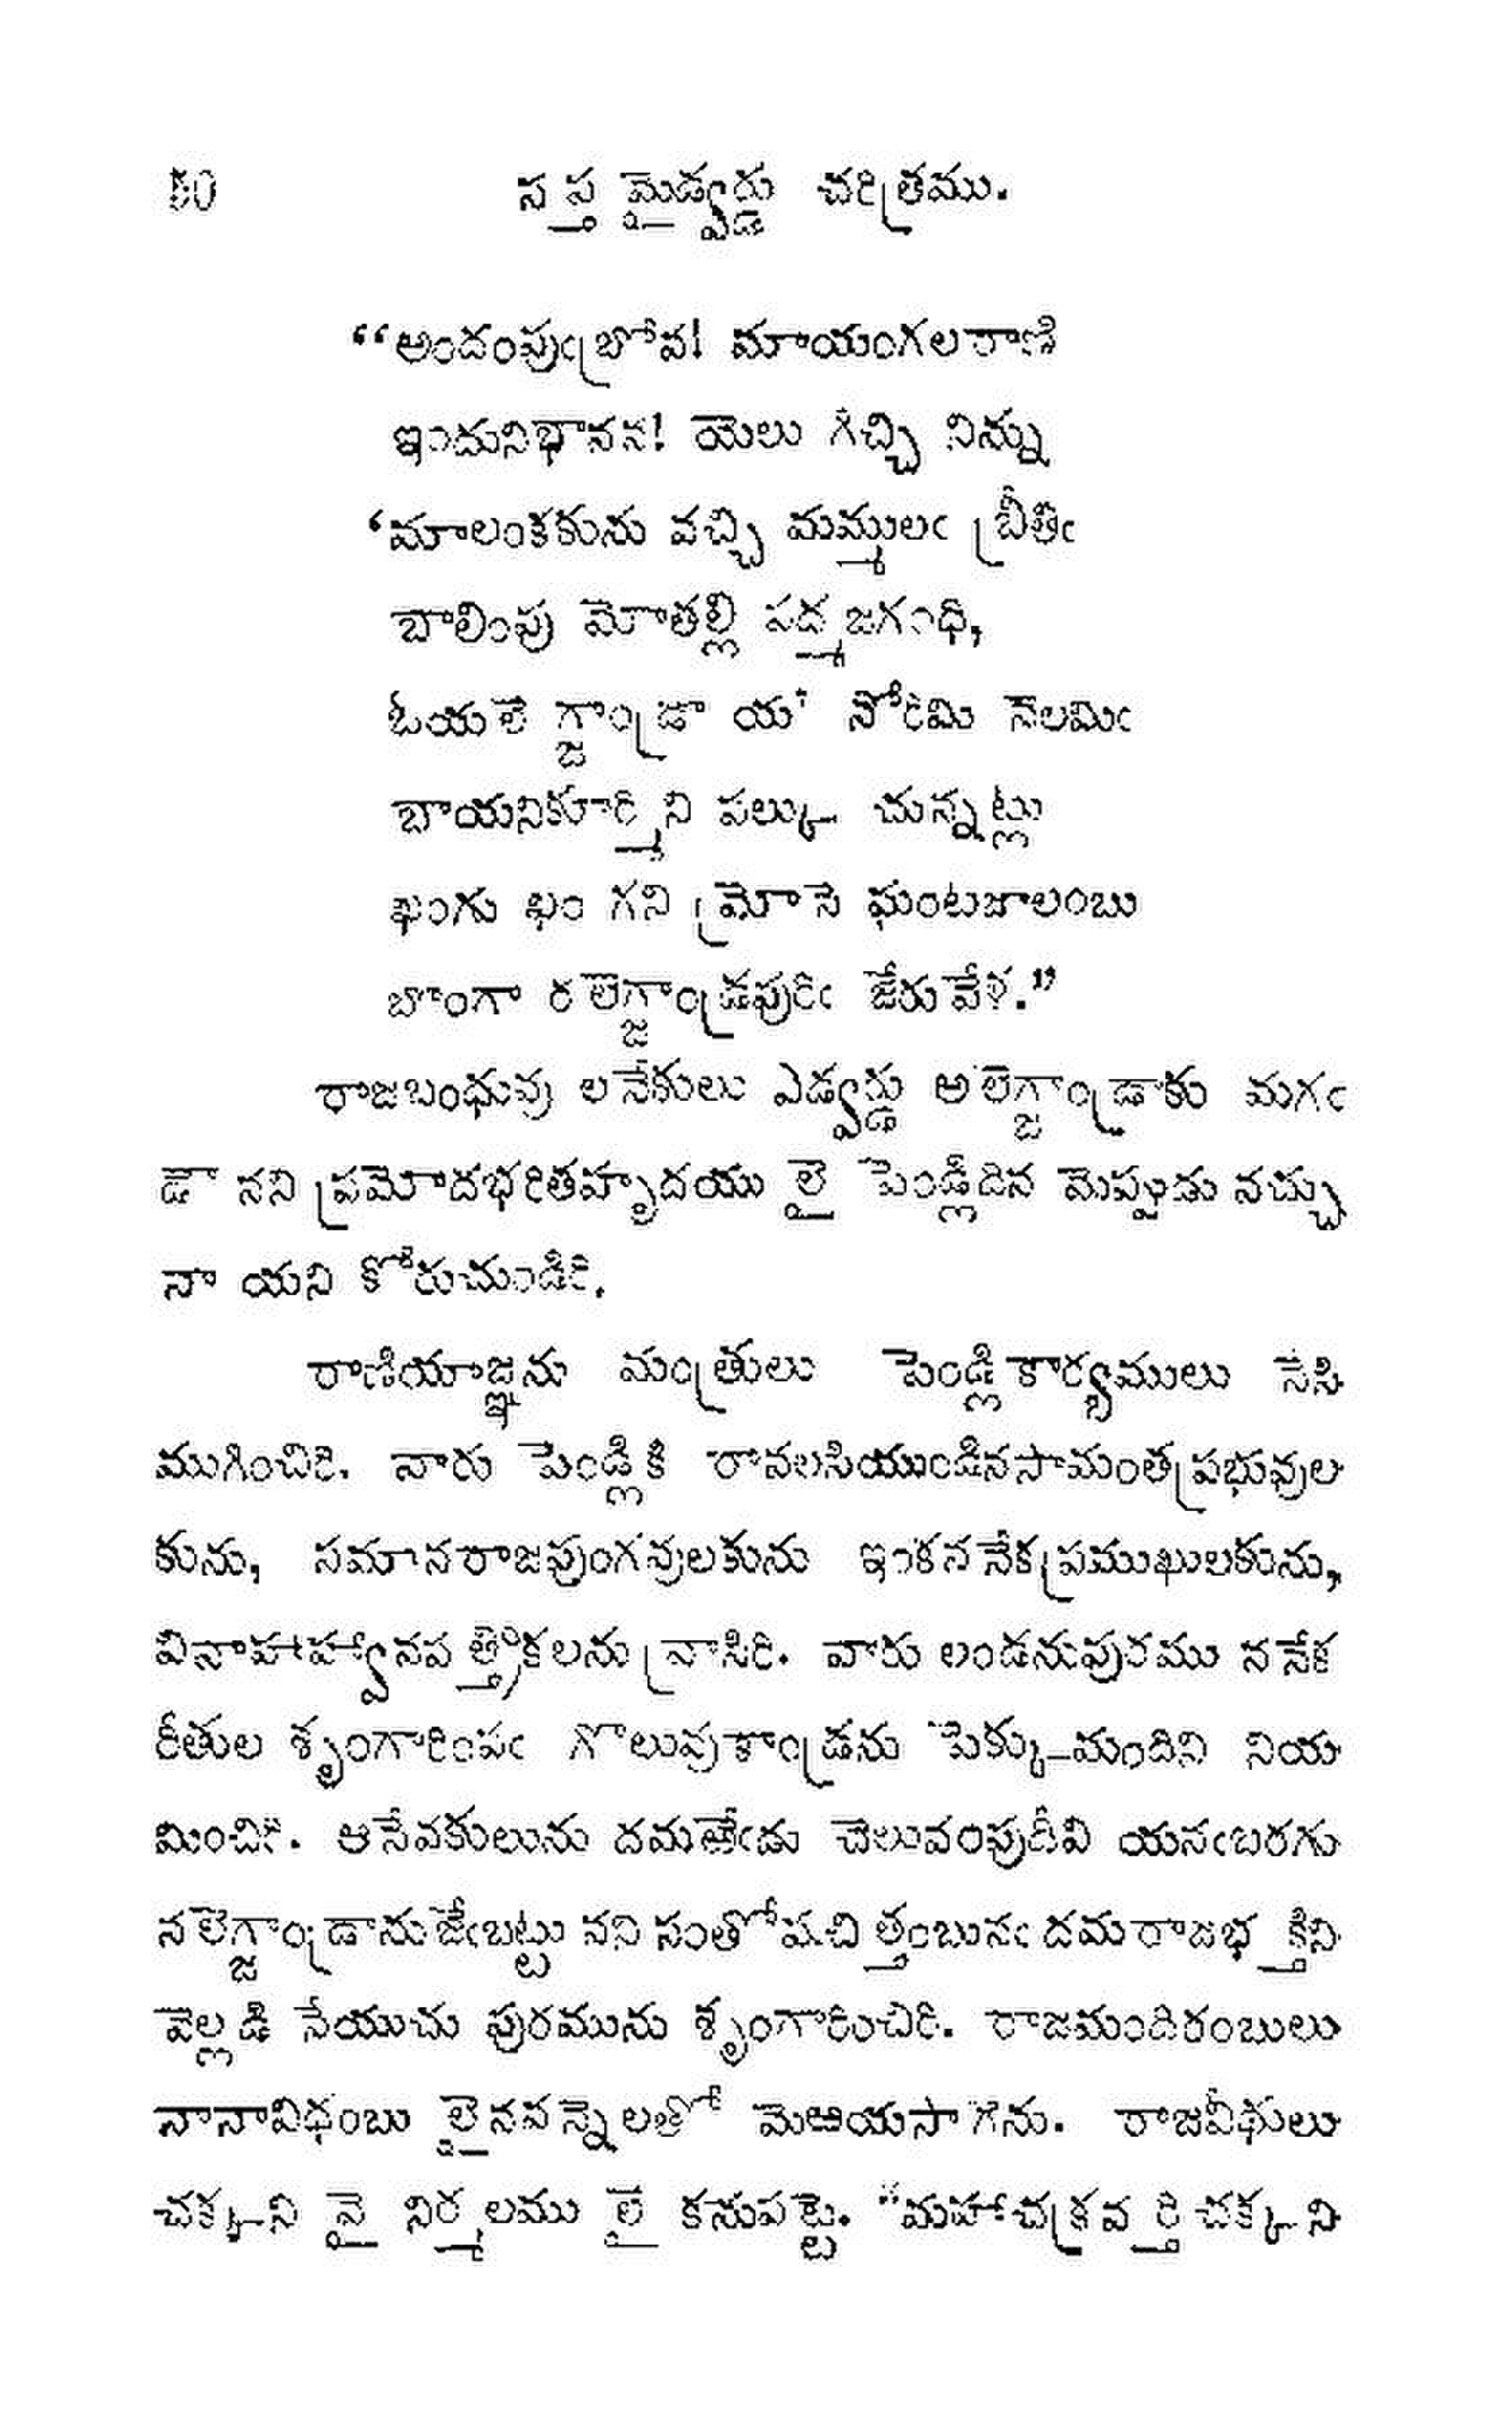““ అందంపు, బ్రోవ! మాయంగల రాణి
ఇందునిభానన! యెలు గిచ్చి నిన్ను
“మాలంకకును వచ్చి మములఁ బ్రీతి
బాలింపు మోతల్లి వద్మద జగంధి,
ఓయలెగ్జాండ్రాయ నోరిమి నెలమి
బాయనికూర్మిని పల్కు చున్నట్లు
ఖంగు ఖం గని మోసే ఘంటజాలంబు
బొంగా ర లెగ్జాండ్రపురిఁ జేరువేళ.”

రాజు బంధువు ల నేకులు ఎడ్వర్డు అలెగ్జాండ్రాకు మగఁడౌనని ప్రమోదభ తహృదయు లై పెండ్లి దిన మెప్పుడు నచ్చునా యని కోరుచుండిరి,

రాణియాజ్ఞను మంత్రులు పెండ్లి కార్యములు సేసిముగించిరి. వారు పెండ్లికి 'రావల సియుండిన సామంత ప్రభువులకును, సమాన రాజు పుంగవులకును ఇకననేక ప్రముఖులకును, వినాహాహ్వానపత్రికలను వ్రాసిరి. వారు లండనుపురము ననేకరీతుల శృంగారింపఁ గొలువు కాండ్రను "పెక్కు మందిని నియ:మించిరి. ఆ సేవకులును దమఱేడు చెలువంపుదీవి యనఁబరగు
నలెగ్జాండ్రాను జేఁబట్టు నని సంతోష.చిత్తంబునఁ దమ రాజభ క్తిని వెల్లడి సేయుచు పురమును శృంగారించడి. రాజమందిరంబులు నానావిధంబు లైనవన్నెలతో 'మెరయసాగెను. రాజవీధులు
చక్కని వై నిర్మలము లై కనుపట్టె.. "మహా చక్రవర్తి చక్కని